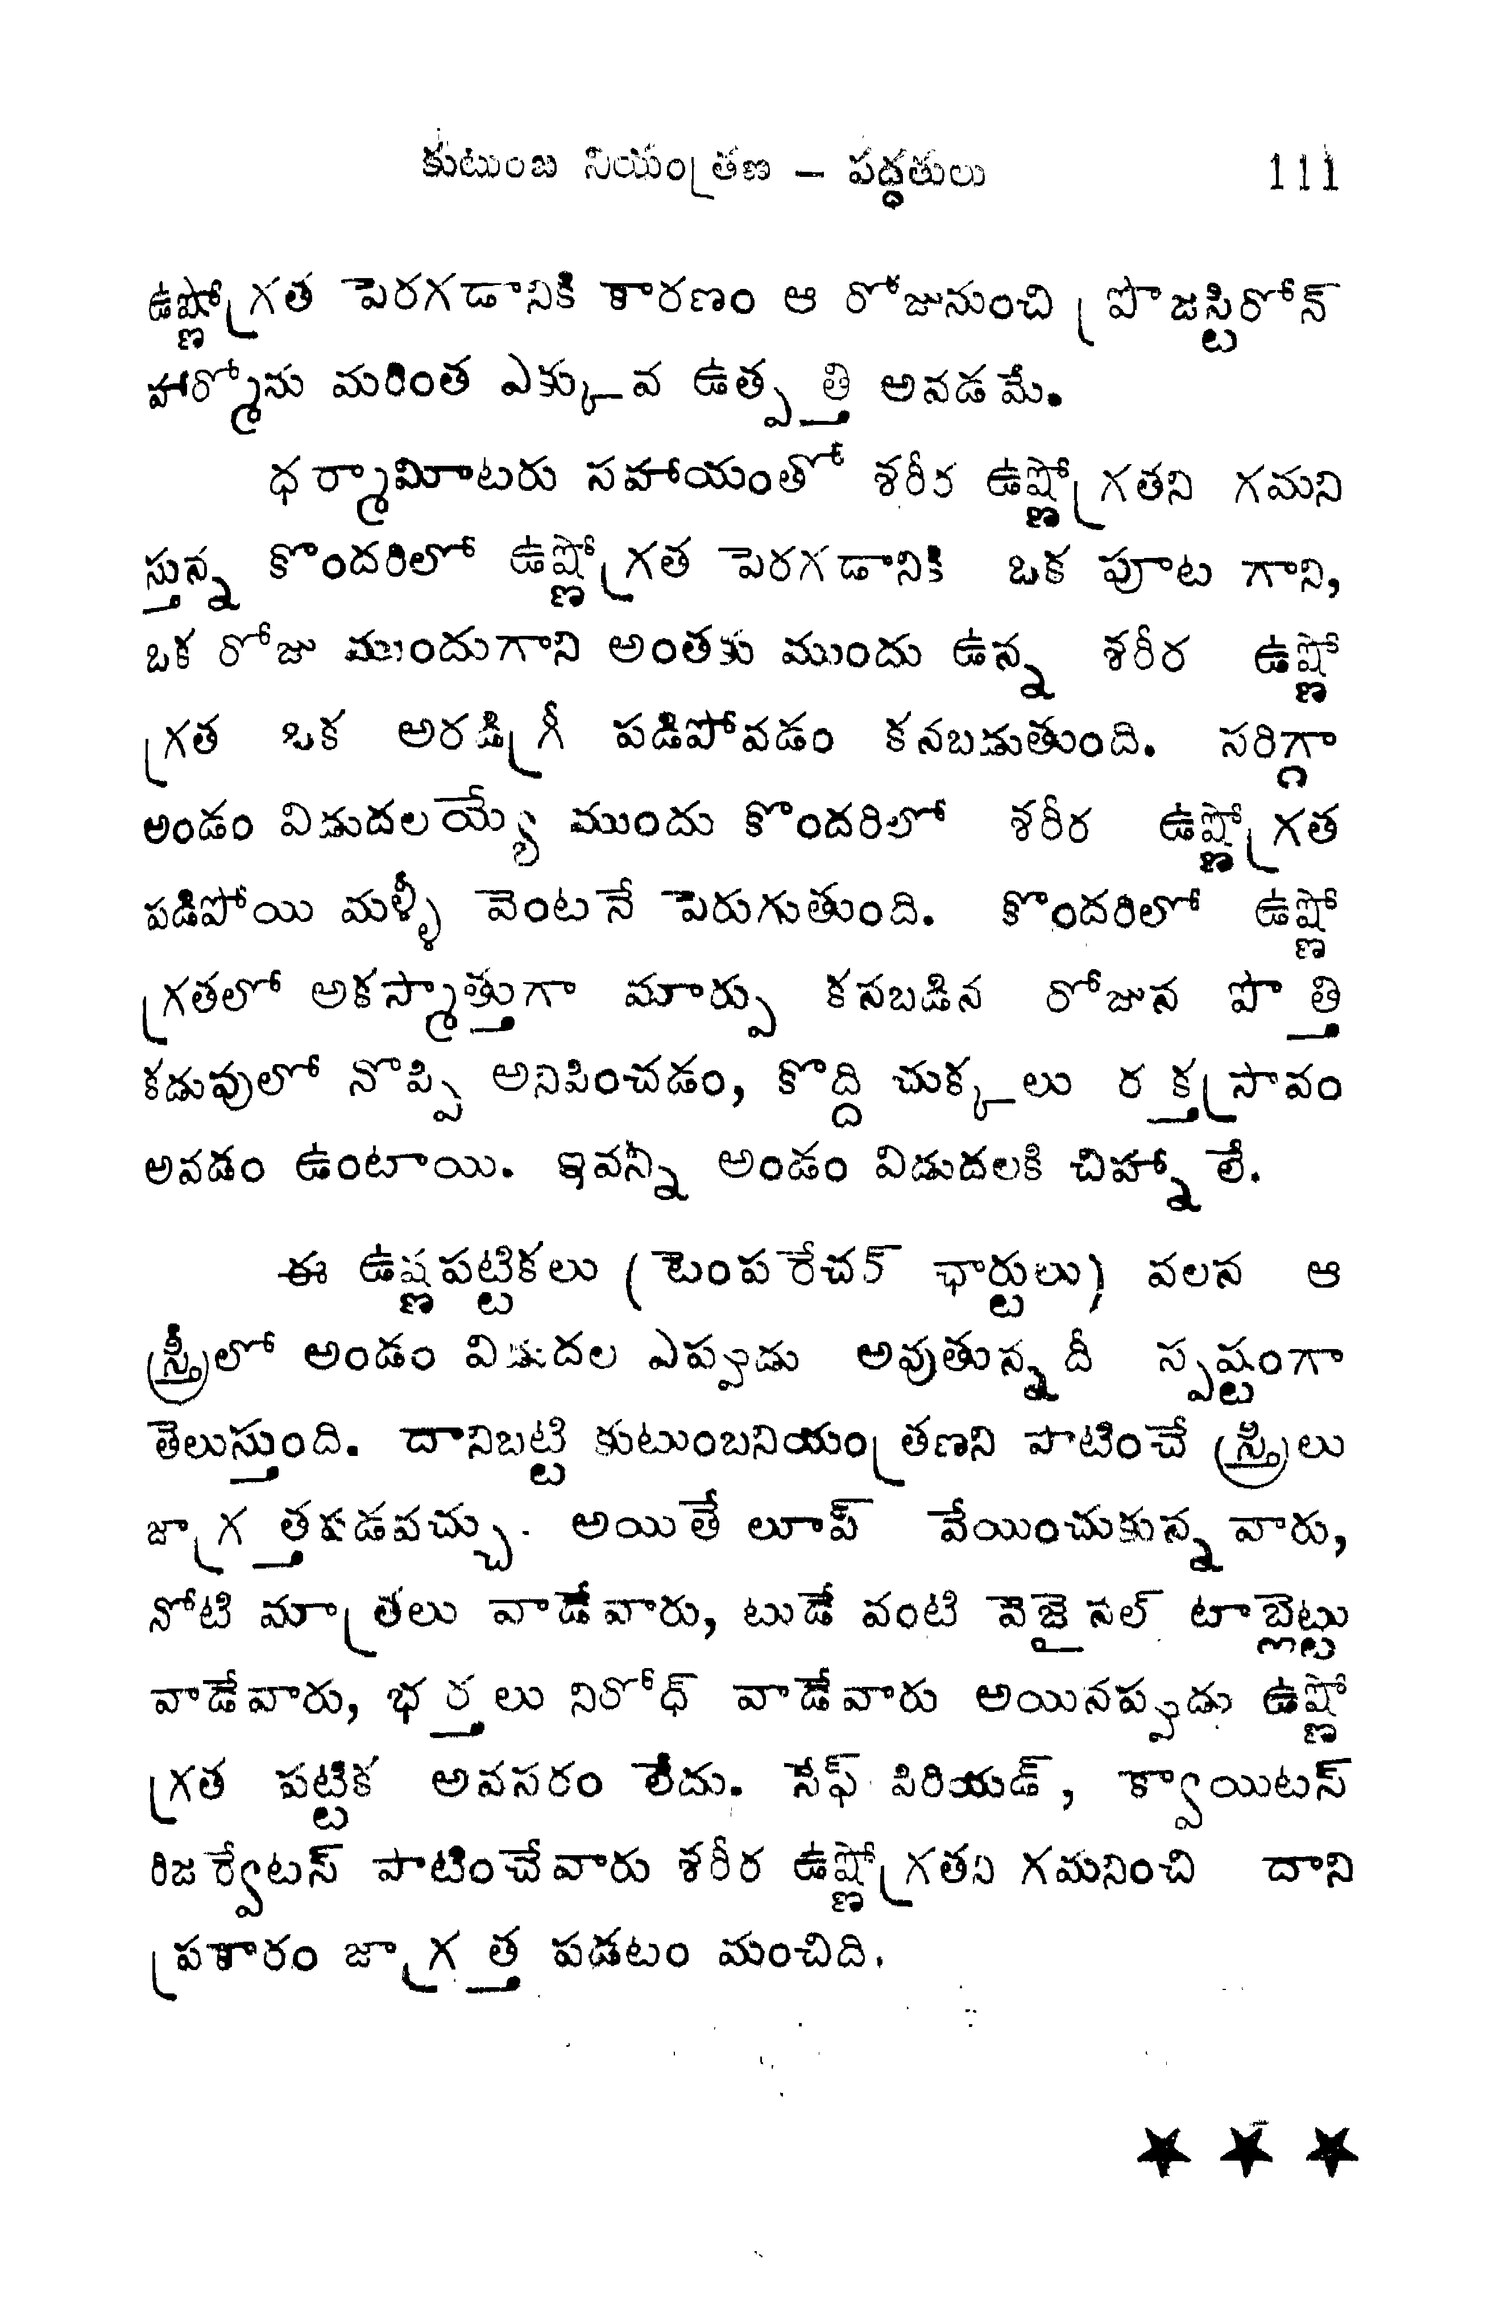ఉష్ణోగ్రత పెరగడానికి కారణం ఆ రోజునుంచి ప్రొజిస్టిరోన్ హార్మోను మరింత ఎక్కువ ఉత్పత్తి అవడమే.

ధర్మామీటరు సహాయంతో శరీర ఉష్ణోగ్రతని గమనిస్తున్న కొందరిలో ఉష్ణోగ్రత పెరగడానికి ఒక పూట గాని, ఒక రోజు ముందుగాని అంతకు ముందు ఉన్న శరీర ఉష్ణోగ్రత ఒక అరడిగ్రీ పడిపోవడం కనబడుతుంది. సరిగ్గా అండం విడుదలయ్యే ముందు కొందరిలో శరీర ఉష్ణోగ్రత పడిపోయి మళ్ళీ వెంటనే పెరుగుతుంచి. కొందరిలో ఉష్ణోగ్రతలో అకస్మాత్తుగా మార్పు కనబడిన రోజున పొత్తికడుపులో నొప్పి అనిపించడం, కొద్ది చుక్కలు రక్తస్రావం అవడం ఉంటాయి. ఇవన్నీ ఆండం విడుదలకి చిహ్నాలే.

ఈ ఉష్ణపట్టికలు (టెంపరేచర్ చార్టులు) వలన ఆ స్ర్రీలలో అండం విడుదల ఎప్పుడు అవుతున్నదీ స్పష్ణంగా తెలుస్తుంది. దానిబట్టి కుటుంబనియంత్రణని పాటించే స్త్రీలు జాగ్రత్త పడవచ్చు అయితే లూప్ వేయించుకున్నవారు, నోటి మాత్రలు వాడేవరు, టుడే వంటి వెజైనల్ టాబ్లెట్టు వాడేవారు, భర్తలు నిరోధ్ వాడేవారు అయినప్పుడు ఉష్ణోగ్రత పట్టిక అవసరం లేదు. సేఫ్ పెరియడ్, క్వాయిటస్ రిజర్వేటస్ పాటించేవారు శరీర ఉష్ణోగ్రతని గమనించి దాని ప్రకారం జాగ్రత్త పడటం మంచిది.

* * *